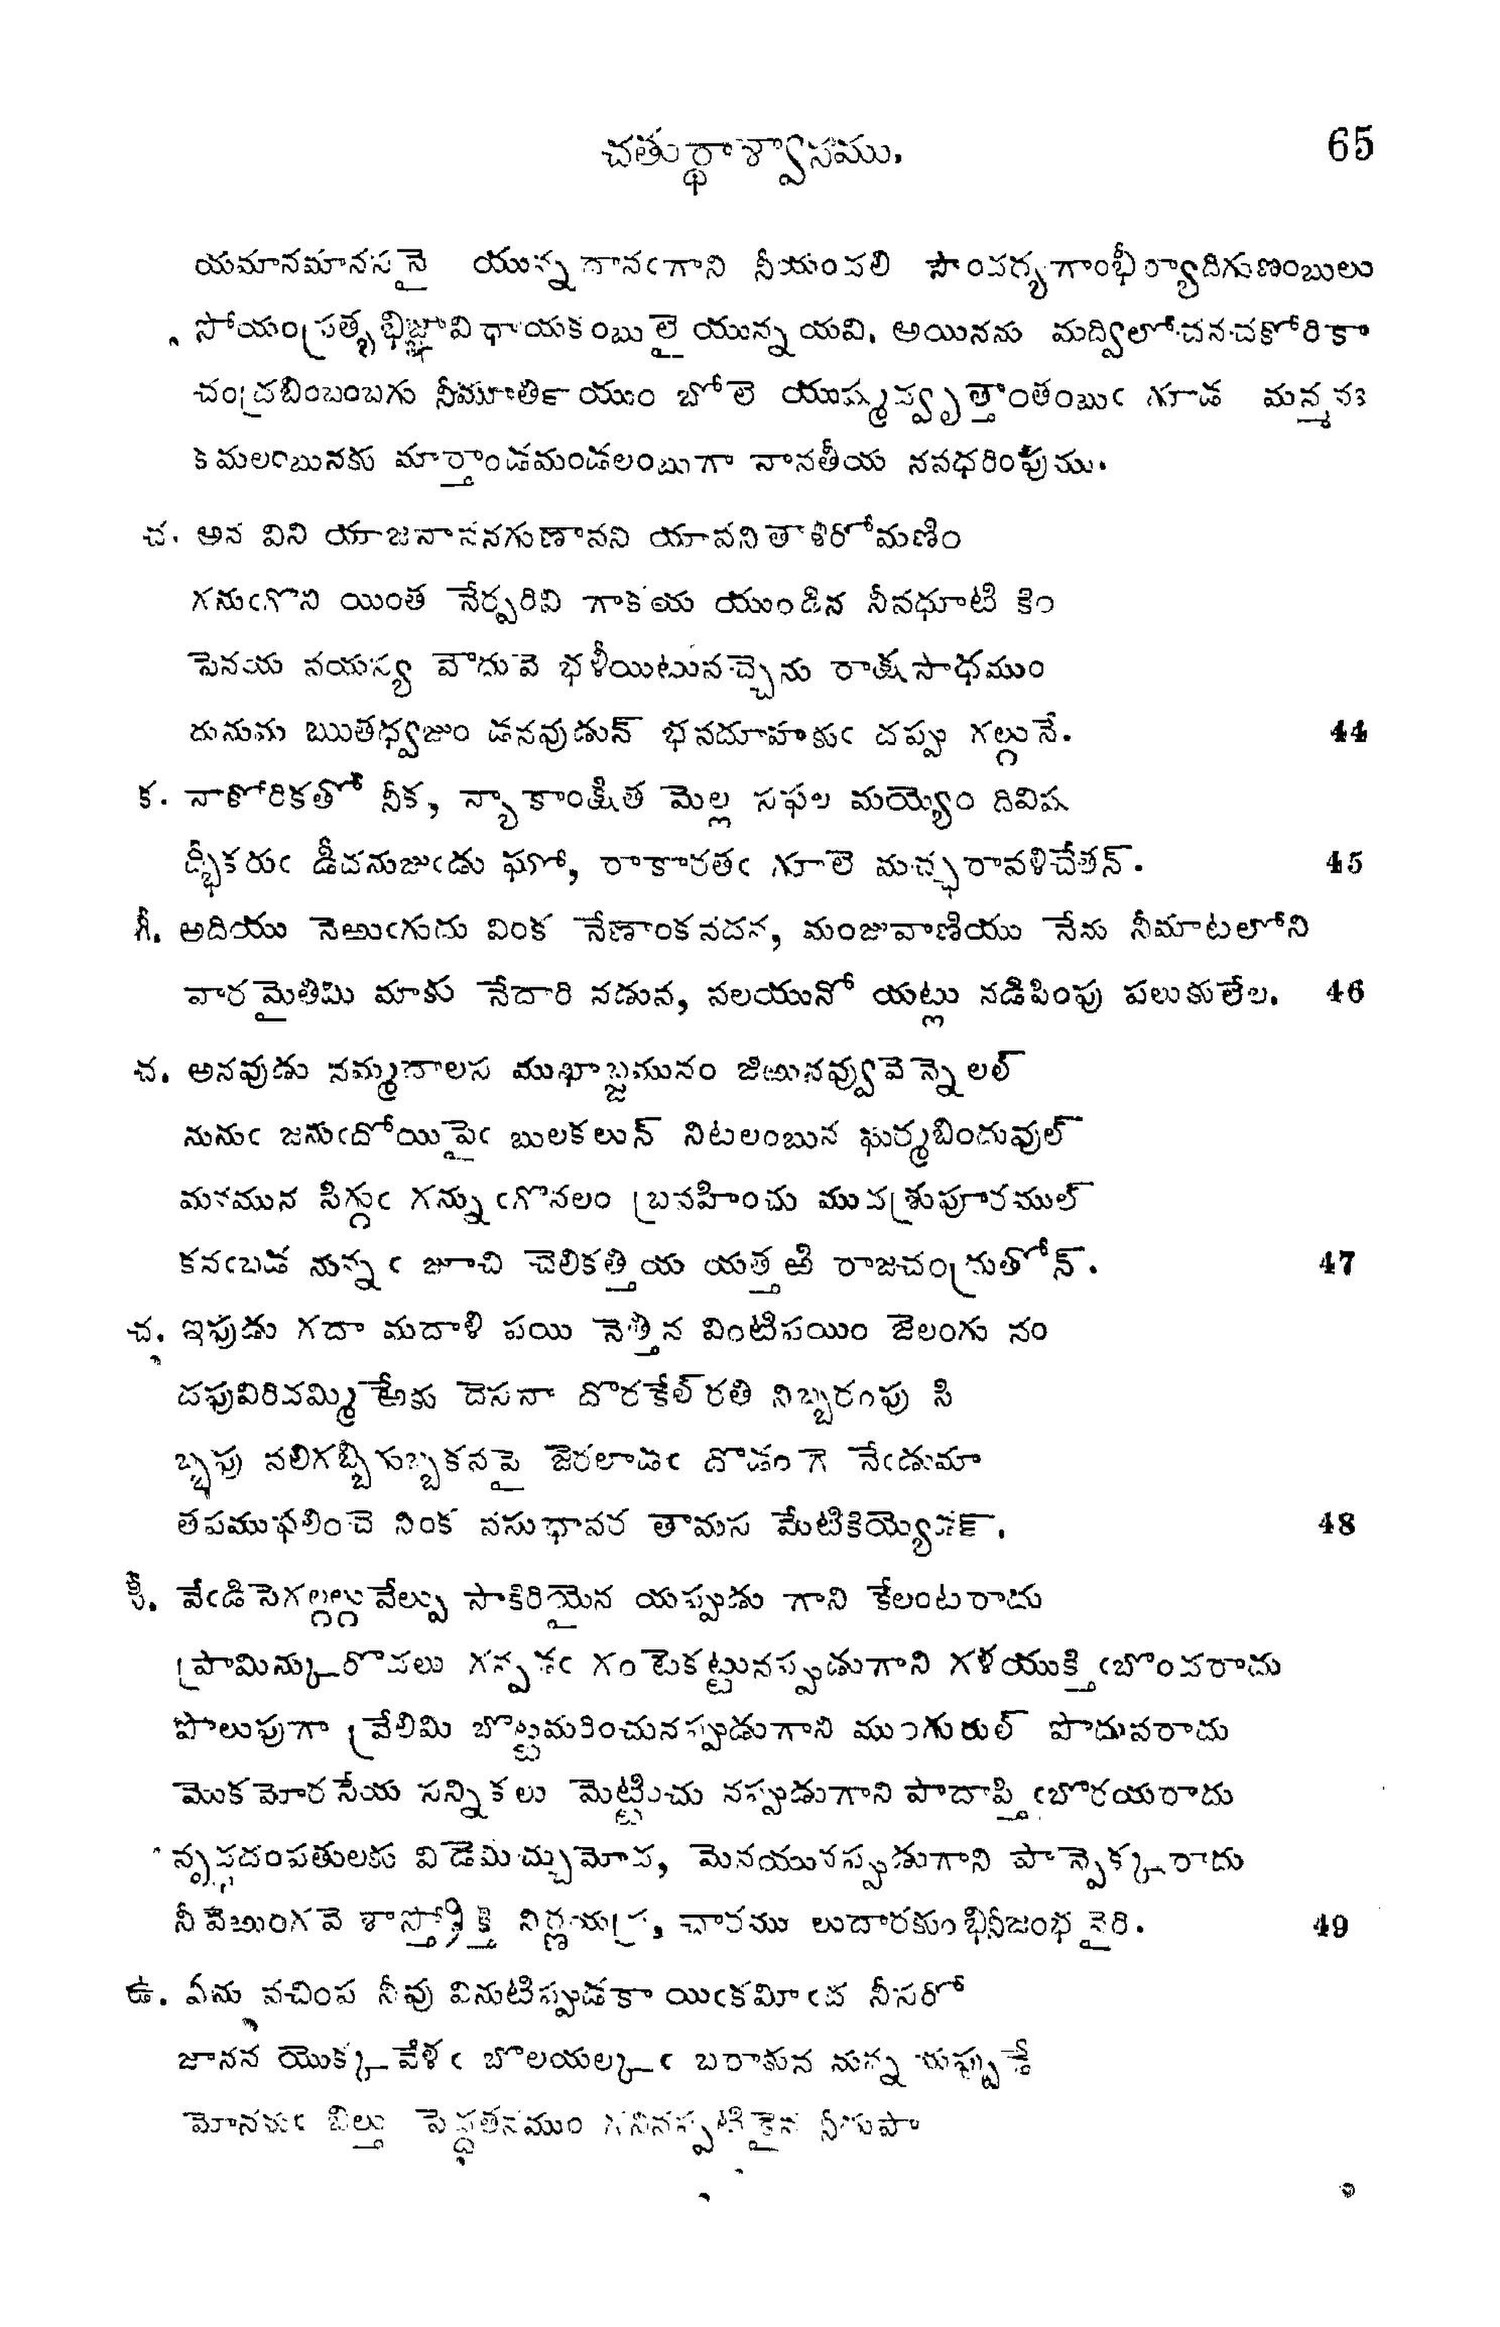యమానమానసనై యున్నదానఁగాని నీయందలి సౌందర్యగాంభీర్యాదిగుణంబులు
సోయంప్రతృభిజ్ఞావిధాయకంబులై యున్నయవి, అయినను మద్విలోచనచకోరికా
చంద్రబింబంబగు నీమూర్తియుం బోలె యుష్మద్వృత్తాంతంబుఁ గూడ మన్మనః
కమలంబునకు మార్తాండమండలంబుగా నానతీయ నవధరింపుము.
చ. అన విని యాజనాననగుణావని యావనితాశిరమణిం
గనుఁగొని యింత నేర్పరివి గాకయ యుండిన నీవధూటి కిం
పెనయ వయస్య వొదువె భళీ యిటు వచ్చెను రాక్షసాధముం
దునుము ఋతధ్వజుం డనవుడున్ భవదూహకుఁ దప్పు గల్గునే.
క. నాకోరికతో నీక, న్యాకాంక్షిత మెల్ల సఫల మయ్యెం దివిష
ద్భీకరుఁ డీదనుజుఁడు ఘో, రాకారతఁ గూలె మచ్ఛరావళిచేతన్.
గీ. అదియు నెఱుఁగుదు వింక నేణాంకనదన, మంజువాణియు నేను నీమాటలోని
వార మైతిమి మాకు నేదారి నడువ, వలయునో యట్లు నడిపింపు పలుకు లేల.
చ. అనవుడు నమ్మదాలస ముఖాబ్జమునం జిఱునవ్వువెన్నెలల్
నునుఁజనుఁదోయిపైఁ బులకలున్ నిటలంబున ఘర్మబిందువుల్
మనమున సిగ్గుఁ గన్నుఁగొనలం బ్రవహించు ముదశ్రుపూరముల్
కనఁబడ నున్నఁ జూచి చెలికత్తియ యత్తఱి రాజచంద్రుతోన్.
చ. ఇపుడు గదా మదాళి పయి నెత్తిన వింటిపయిం జెలంగు నం
దపువిరిదమ్మిఱేకు దెస నా దొరకేల్ రతి నిబ్బరంపు సి
బ్బపు నలిగబ్బిగుబ్బకవపై జెరలాడఁ దొడంగె నేఁడు మా
తపము ఫలించె నింక వసుధావర తామస మేటి కియ్యెడన్.
సీ. వేఁడిసెగల్గల్గువేల్పు సాకిరియైన యప్పుడు గాని కేలంటరాదు
ప్రామిన్కురొదలు గన్పడఁ గంటెకట్టునప్పుడుగాని గళయుక్తిఁ బొందరాచు
పొలుపుగా వ్రేలిమి బొట్టమరించునప్పుడుగాని ముంగురుల్ పొదువరాదు
మొక మోరసేయ సన్నికలు మెట్టించునప్పుడుగాని పాదాప్ఁ బొరయరాదు
నృపదంపతులకు విడెమిచ్చుమోద, మెనయునప్పుడుగాని పాన్పెక్కరాదు
నీ వెఱుంగవె శాస్తోక్తి నిర్ణయప్ర, చారము లుదారకుంభినీజంభవైరి.
ఉ. ఏను వచింప నీవు విను టిప్పుడకా యిఁకమీఁద నీసరో
జానన యొక్కవేళఁ బొలయల్కఁ బరాకున నున్నయప్పుడే
మో ననుఁ బిల్తు పెద్దతనముం గనినప్పటికైన నీదుపా